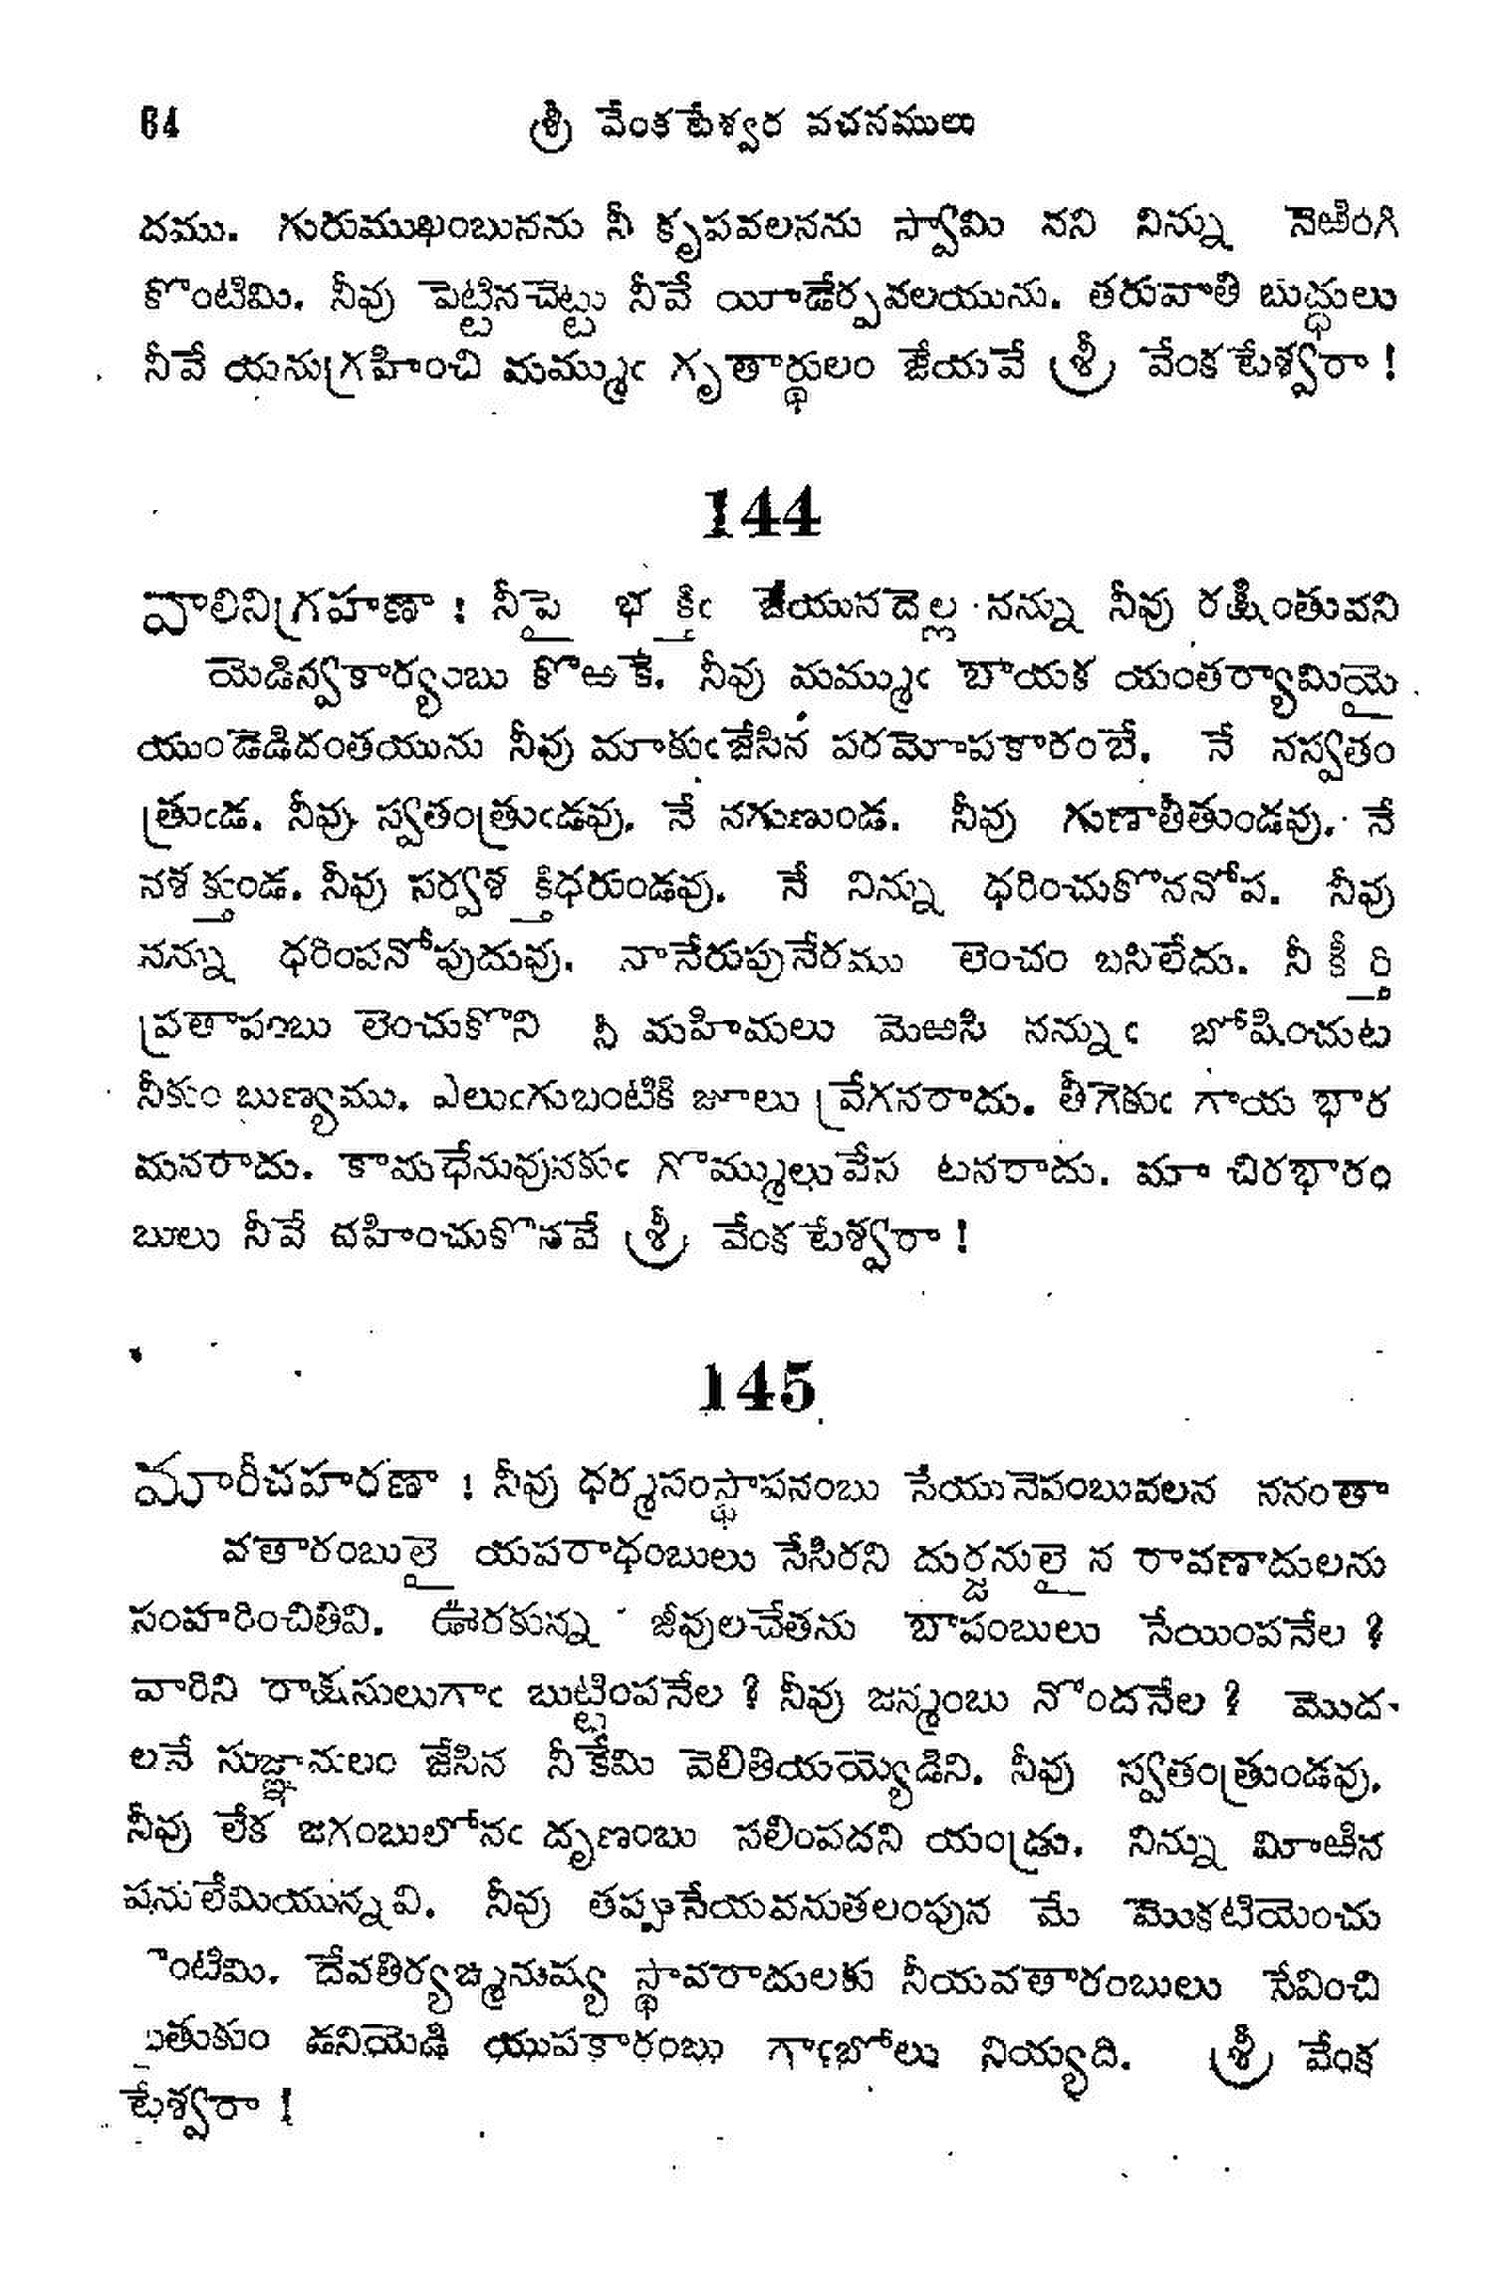దము. గురుముఖంబునను నీ కృపవలనను స్వామి నని నిన్ను నెఱింగికొంటిమి. నీవు పెట్టిన చెట్టు నీవే యీడేర్పవలయును. తరువాతి బుద్ధులు నీవే యనుగ్రహించి మమ్ముఁ గృతార్థులం జేయవే శ్రీ వేంకటేశ్వరా !

144 

 ! నీపై భక్తిఁ జేయునదెల్ల నన్ను నీవు రక్షింతువని యెడిన్వ కార్యంబు కొఱకే. నీవు మమ్ముఁ బాయక యంతర్యామియై, యుండెడిదంతయును నీవు మాకుఁ జేసిన పరమోపకారంబే, నే నస్వతం త్రుఁడ. నీవు స్వతంత్రుఁడవు, నే నగుణుండ. నీవు గుణాతీతుండవు. నే నశక్తుండ. నీవు సర్వశ క్తిధరుండవు. నే నిన్ను ధరించుకొననోప. నీవు నన్ను ధరింపనోపుదువు, నానేరుపు నేరము లెంచం బని లేదు. నీకీర్తి ప్రతాపంబు లెంచుకొని నీ మహిమలు మెఱసి నన్నుఁ బోషించుట నీకుం బుణ్యము. ఎలుఁగుబంటికి జూలు వ్రేగనరాదు. తీగెకుఁ గాయ భార మనరాదు. కామధేనువునకుఁ గొమ్ములు వేస టనరాదు. మా చిరభారం బులు నీవే దహించుకొనవే శ్రీ వేంక టేశ్వరా !

145 

 ! నీవు ధర్మసంస్థాపనంబు సేయు నెపంబువలన ననంతావతారంబులై యపరాధంబులు సేసిరని దుర్జనులైన రావణాదులను సంహరించితివి. ఊరకున్న జీవులచేతను బాపంబులు సెయింపనేల ? వారిని రాక్షసులుగాఁ బుట్టింపనేల ? నీవు జన్మంబు నొంద నేల ? మొదలనే సుజ్ఞానులం జేసిన నీకేమి వెలితియయ్యెడిని. నీవు స్వతంత్రుండవు. నీవు లేక జగంబులోనఁ దృణంబు సలింపదని యండ్రు. నిన్ను మీఱిన పను లేమియున్నవి. నీవు తప్పు చేయవనుతలంపున మే మొకటియెంచు గొంటిమి. దేవతిర్యజ్మనుష్య స్థావరాదులకు నీయవతారంబులు సేవించి బ్రతుకుం డనియెడి యుపకారంబు గాఁబోలు నియ్యది. శ్రీ వేంక టేశ్వరా !